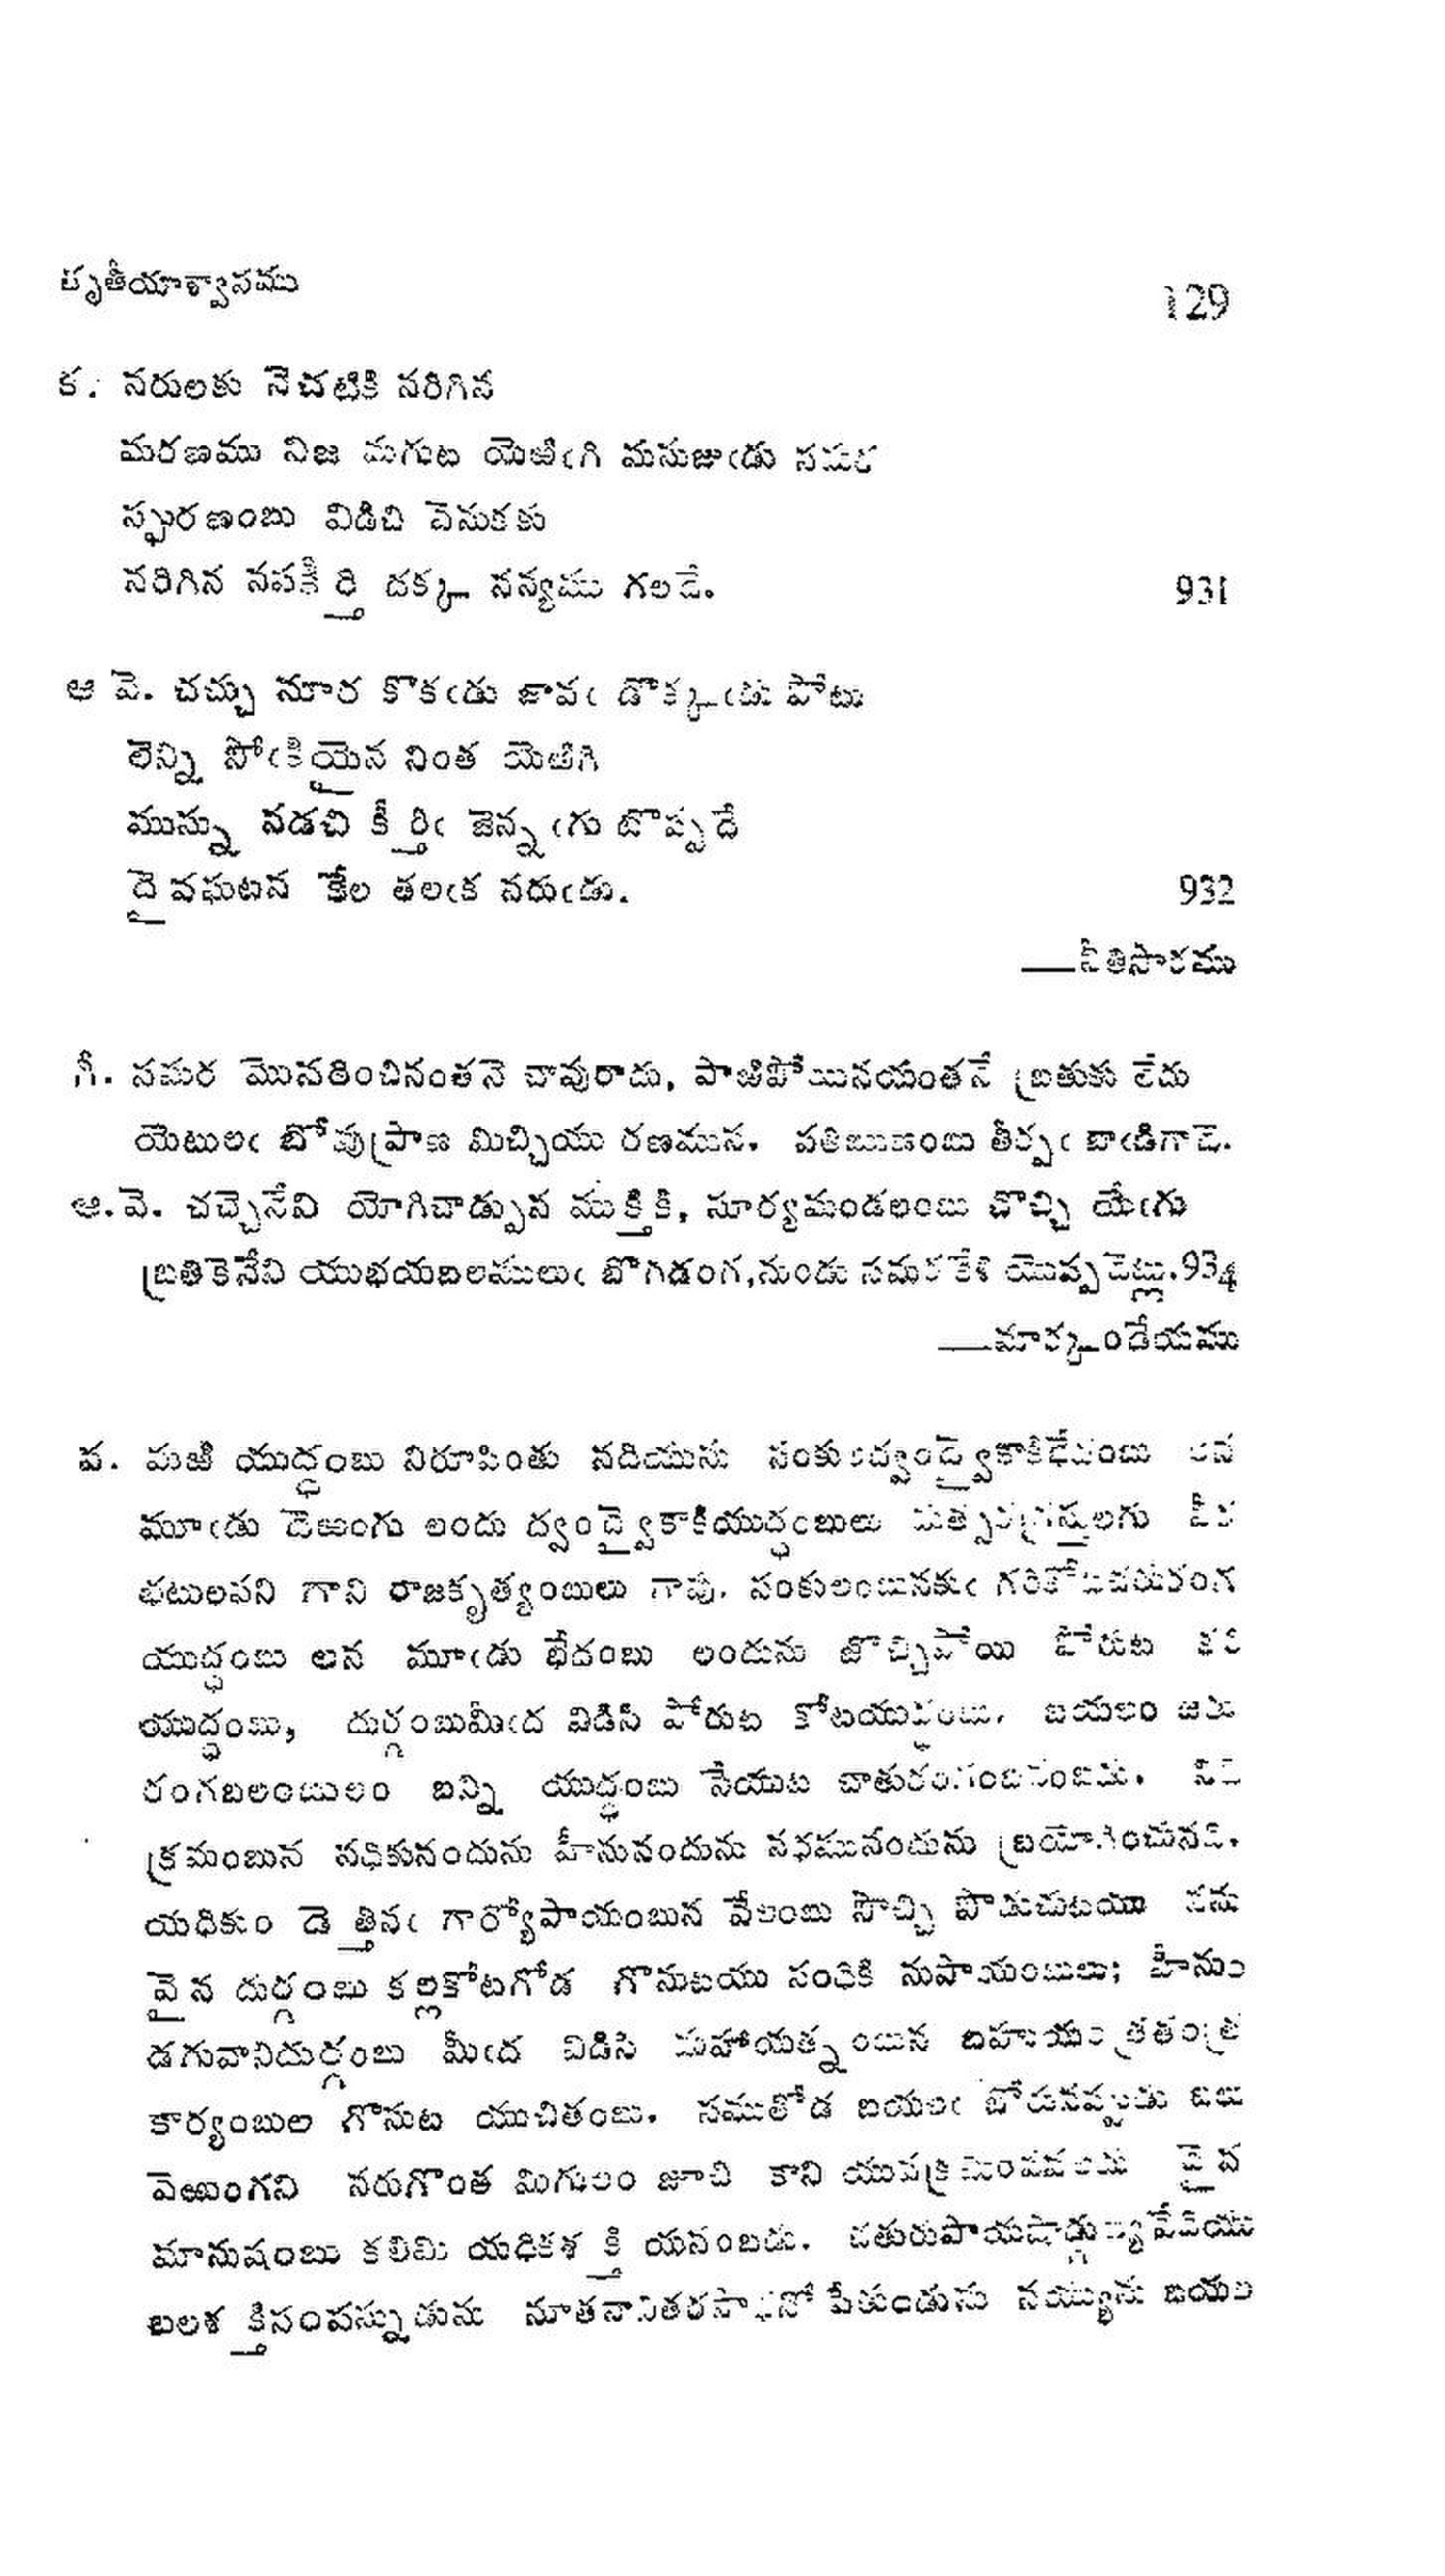క. నరులకు నెచటికి నరిగిన
మరణము నిజ మగుట యెఱిఁగి మనుజుఁడు సమర
స్ఫురణంబు విడిచి వెనుకకు
నరిగిన నపకీర్తి దక్క నన్యము గలదే. 931

ఆ. చచ్చు నూర కొకఁడు జావఁ డొక్కఁడు పోటు
లెన్ని సోఁకియైన నింత యెఱిగి
మున్ను నడచి కీర్తిఁ జెన్నఁగు టొప్పదే
దైవఘటన కేల తలఁక నరుఁడు. 932

గీ. సమర మొనరించినంతనె చావురాదు
పాఱిపోయినంతనే బ్రతుకు లేదు
యెటులఁ బోవుప్రాణ మిచ్చియు రణమున
పతిఋణంబు తీర్పఁ బాఁడిగాదె. 933

ఆ. చచ్చెనేని యోగిచాడ్పున ముక్తికి
పాఱిపోయినయంతనే బ్రతుకు లేదు
బ్రతికెనేని యుభయబలములుఁ బొగడంగ
నుండు సమరకేళి యొప్పదెట్లు. 934

వ. మఱి యుద్ధంబు నిరూపింతు నదియును సంకులద్వంద్వైకాకిభేదంబు లన మూఁడు దెఱంగు లందు ద్వంద్వైకాకియుద్ధంబులు మత్సరగ్రస్తులగు వీరభటులపని గాని రాజకృత్యంబులు గావు. సంకులంబునకుఁ గరికోటచతురంగయుద్ధంబు లన మూఁడు భేదంబు లందును జొచ్చిపోయి పోరుట కరియుద్ధంబు, దుర్గంబుమీఁద విడిసి పోరుట కోటయుద్ధంబు, బయలం జతురంగబలంబులం బన్ని యుద్ధంబు సేయుట చాతురంగంబనంబడు. నివి క్రమంబున నధికునందును హీనునందును నధమునందును బ్రయోగించునది, యధికుం డెత్తినఁ గార్యోపాయంబున వేలంబు సొచ్చి పొడుచుటయు ననువైన దుర్గంబు కల్లకోటగోడ గొనుటయు సంధికి నుపాయంబులు; హీనుండగువాని దుర్గంబుమీఁద విడిసి మహాయత్నంబున బహుయంత్రతంత్రకార్యంబుల గొనుట యుచితంబు, సముతోడ బయలఁ బోరునప్పుడు బలు వెఱుంగని నరుగొంత మిగులం జూచి కాని యుపక్రమింపవలదు దైవమానుషంబు కలిమి యధికశక్తి యనంబడు. చతురుపాయషాడ్గుణ్యవేదియు బలశక్తిసంపన్నుడును నూతనానితరసాధనోపేతుండును నయ్యును బయల